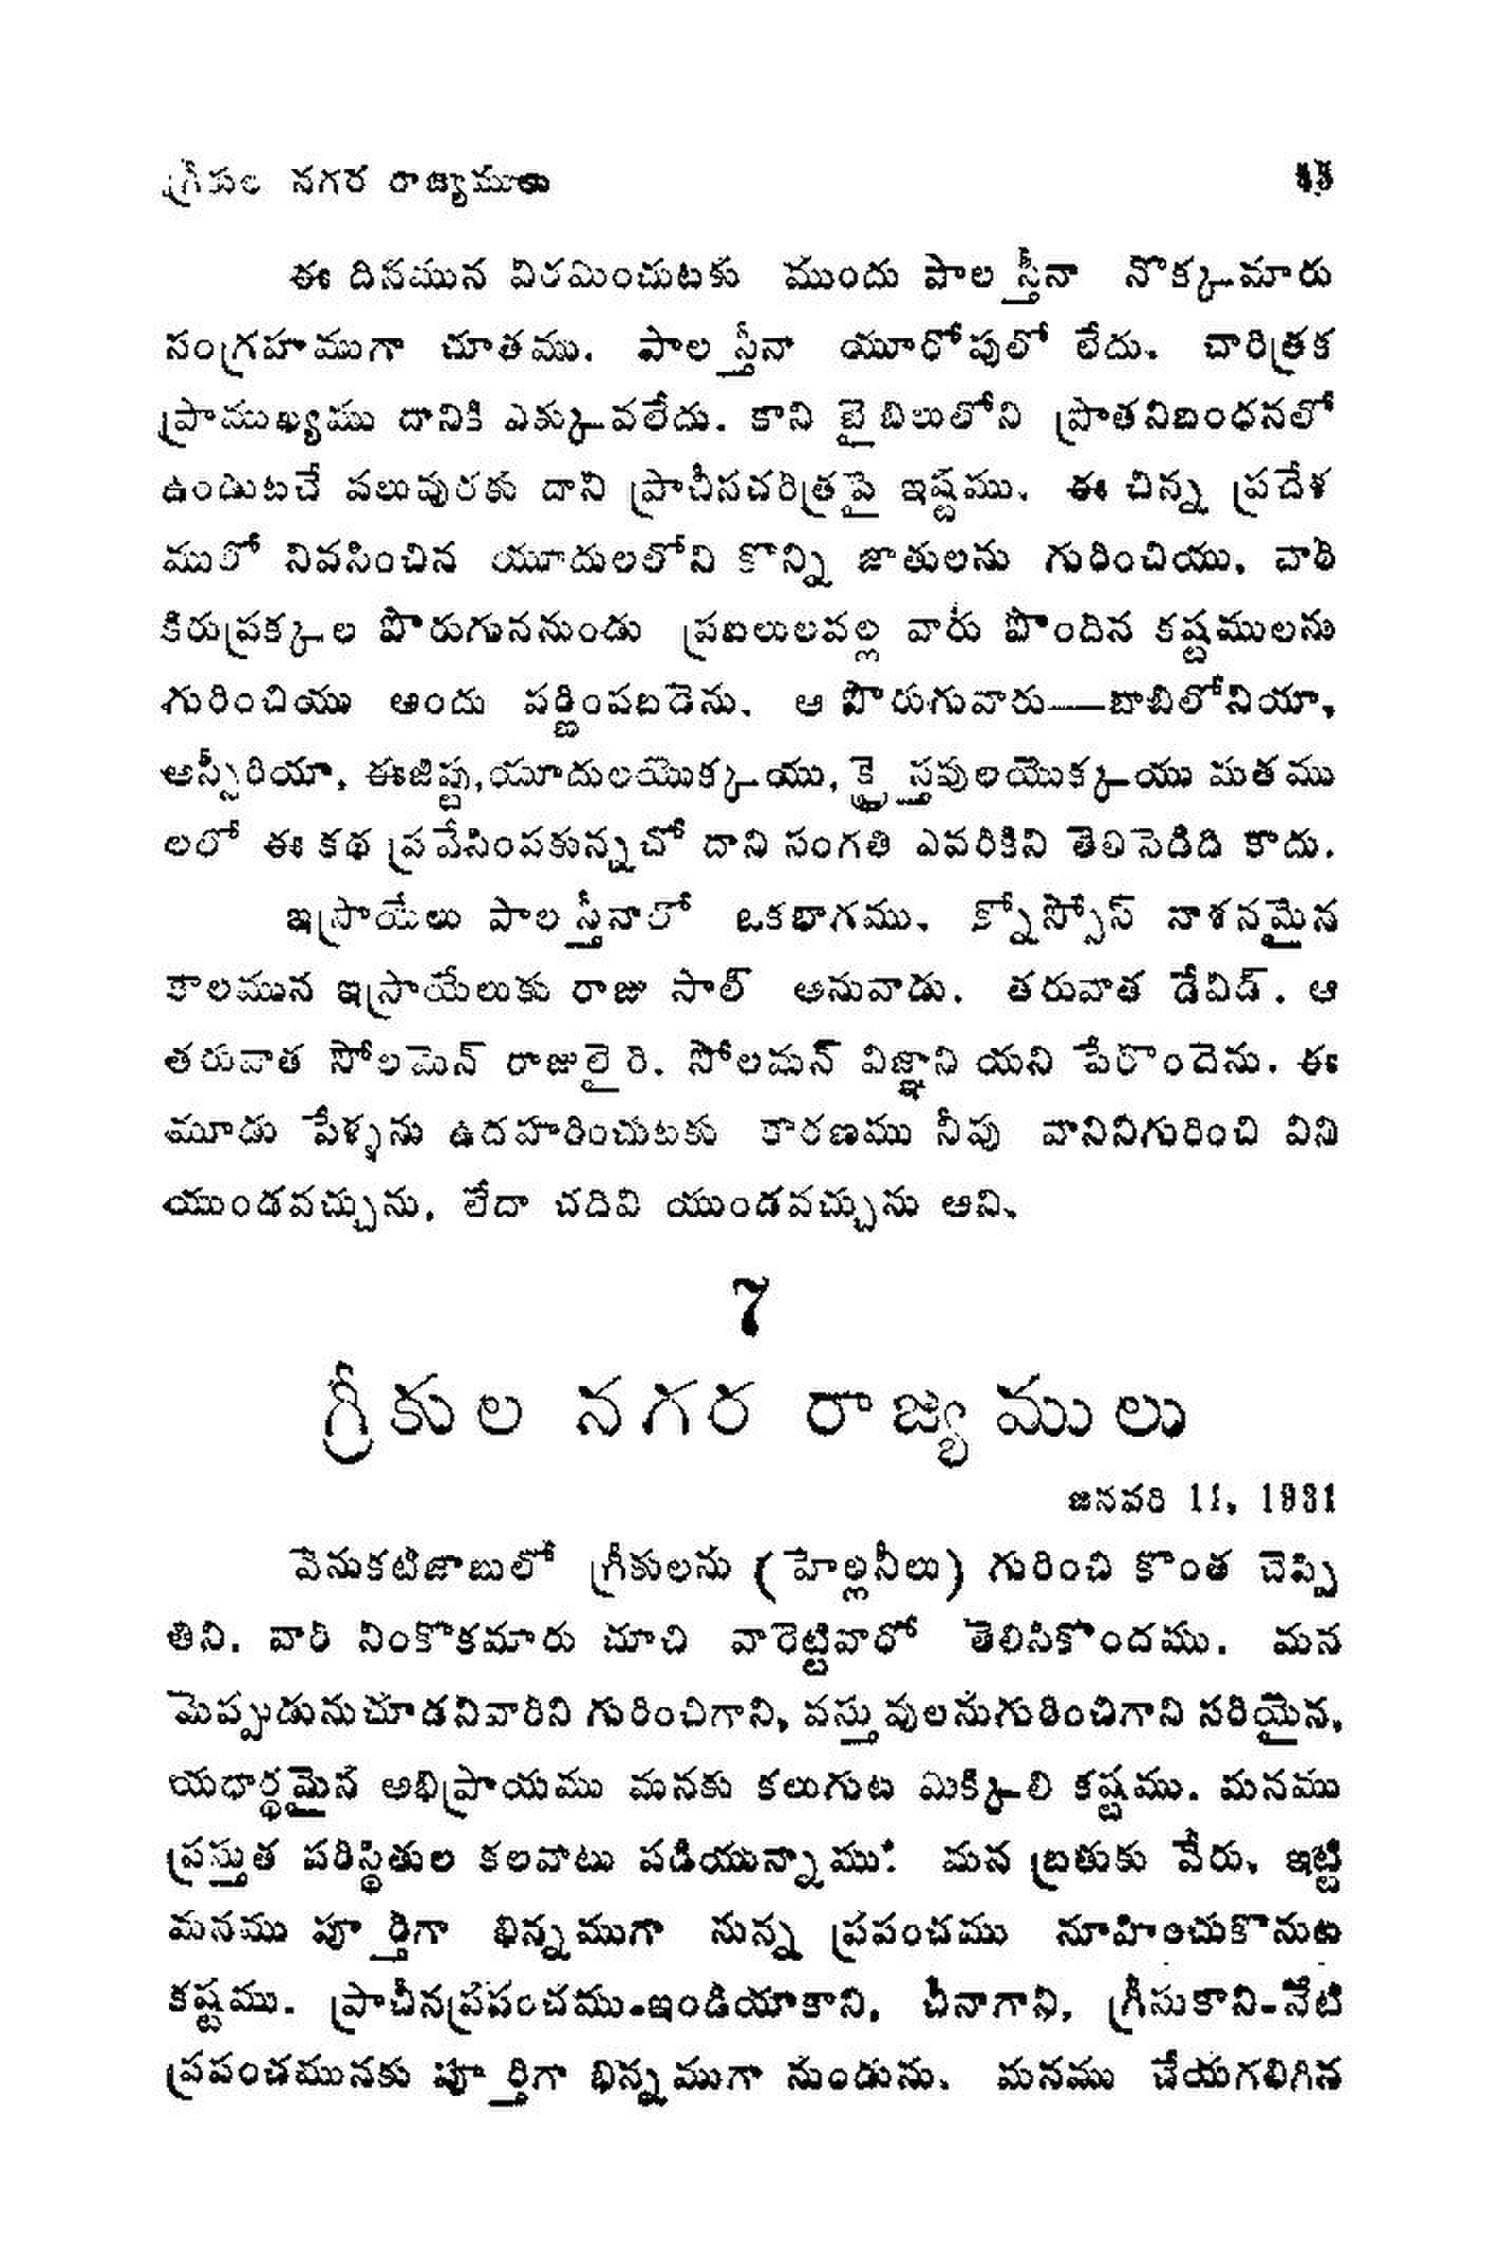ఈ దినమున విరమించుటకు ముందు పాలస్తీనా నొక్కమారు సంగ్రహముగా చూతము. పాలస్తీనా యూరోపులో లేదు. చారిత్రక ప్రాముఖ్యము దానికి ఎక్కువలేదు. కాని బైబిలులోని ప్రాతనిబంధనలో ఉండుటచే పలువురకు దాని ప్రాచీనచరిత్రపై ఇష్టము. ఈ చిన్న ప్రదేశములో నివసించిన యూదులలోని కొన్ని జాతులను గురించియు, వారి కిరుప్రక్కల పొరుగుననుండు ప్రబలులవల్ల వారు పొందిన కష్టములను గురించియు ఆందు వర్ణింపబడెను. ఆ పొరుగువారు - బాబిలోనియా, అస్సీరియా, ఈజిప్టు, యూదులయొక్కయు, క్రైస్తవులయొక్కయు మతములలో ఈ కథ ప్రవేసింపకున్నచో దాని సంగతి ఎవరికిని తెలిసెడిది కాదు.

ఇస్రాయేలు పాలస్తీనాలో ఒక భాగము, క్నోస్సోస్ నాశనమైన కాలమున ఇస్రాయేలుకు రాజు సాల్ అనువాడు. తరువాత డేవిడ్. ఆ తరువాత సోలమెన్ రాజులైరి. సోలమన్ విజ్ఞాని యని పేరొందెను . ఈ మూడు పేళ్ళను ఉదహరించుటకు కారణము నీపు వానిని గురించి విని యుండవచ్చును. లేదా చదివి యుండవచ్చును అని.

7
గ్రీకుల నగర రాజ్యములు
 
వెనుకటిజాబులో గ్రీకులను (హేల్లనీలు) గురించి కొంత చెప్పితిని. వారి నింకొకమారు చూచి వారెట్టివారో తెలిసికొందము. మన మెప్పుడునుచూడనివారిని గురించిగాని, వస్తువులను గురించిగాని సరియైన, యధార్ధమైన అభిప్రాయము మనకు కలుగుట మిక్కిలి కష్టము. మనము ప్రస్తుత పరిస్థితుల కలవాటు పడియున్నాము. మన బ్రతుకు వేరు. ఇట్టి మనము పూర్తిగా భిన్నముగా నున్న ప్రపంచము నూహించుకొనుట కష్టము. ప్రాచీనప్రపంచము. ఇండియాకాని, చీనాగాని, గ్రీసుకాని. నేటి ప్రపంచమునకు పూర్తిగా భిన్నముగా నుండును. మనము చేయగలిగిన